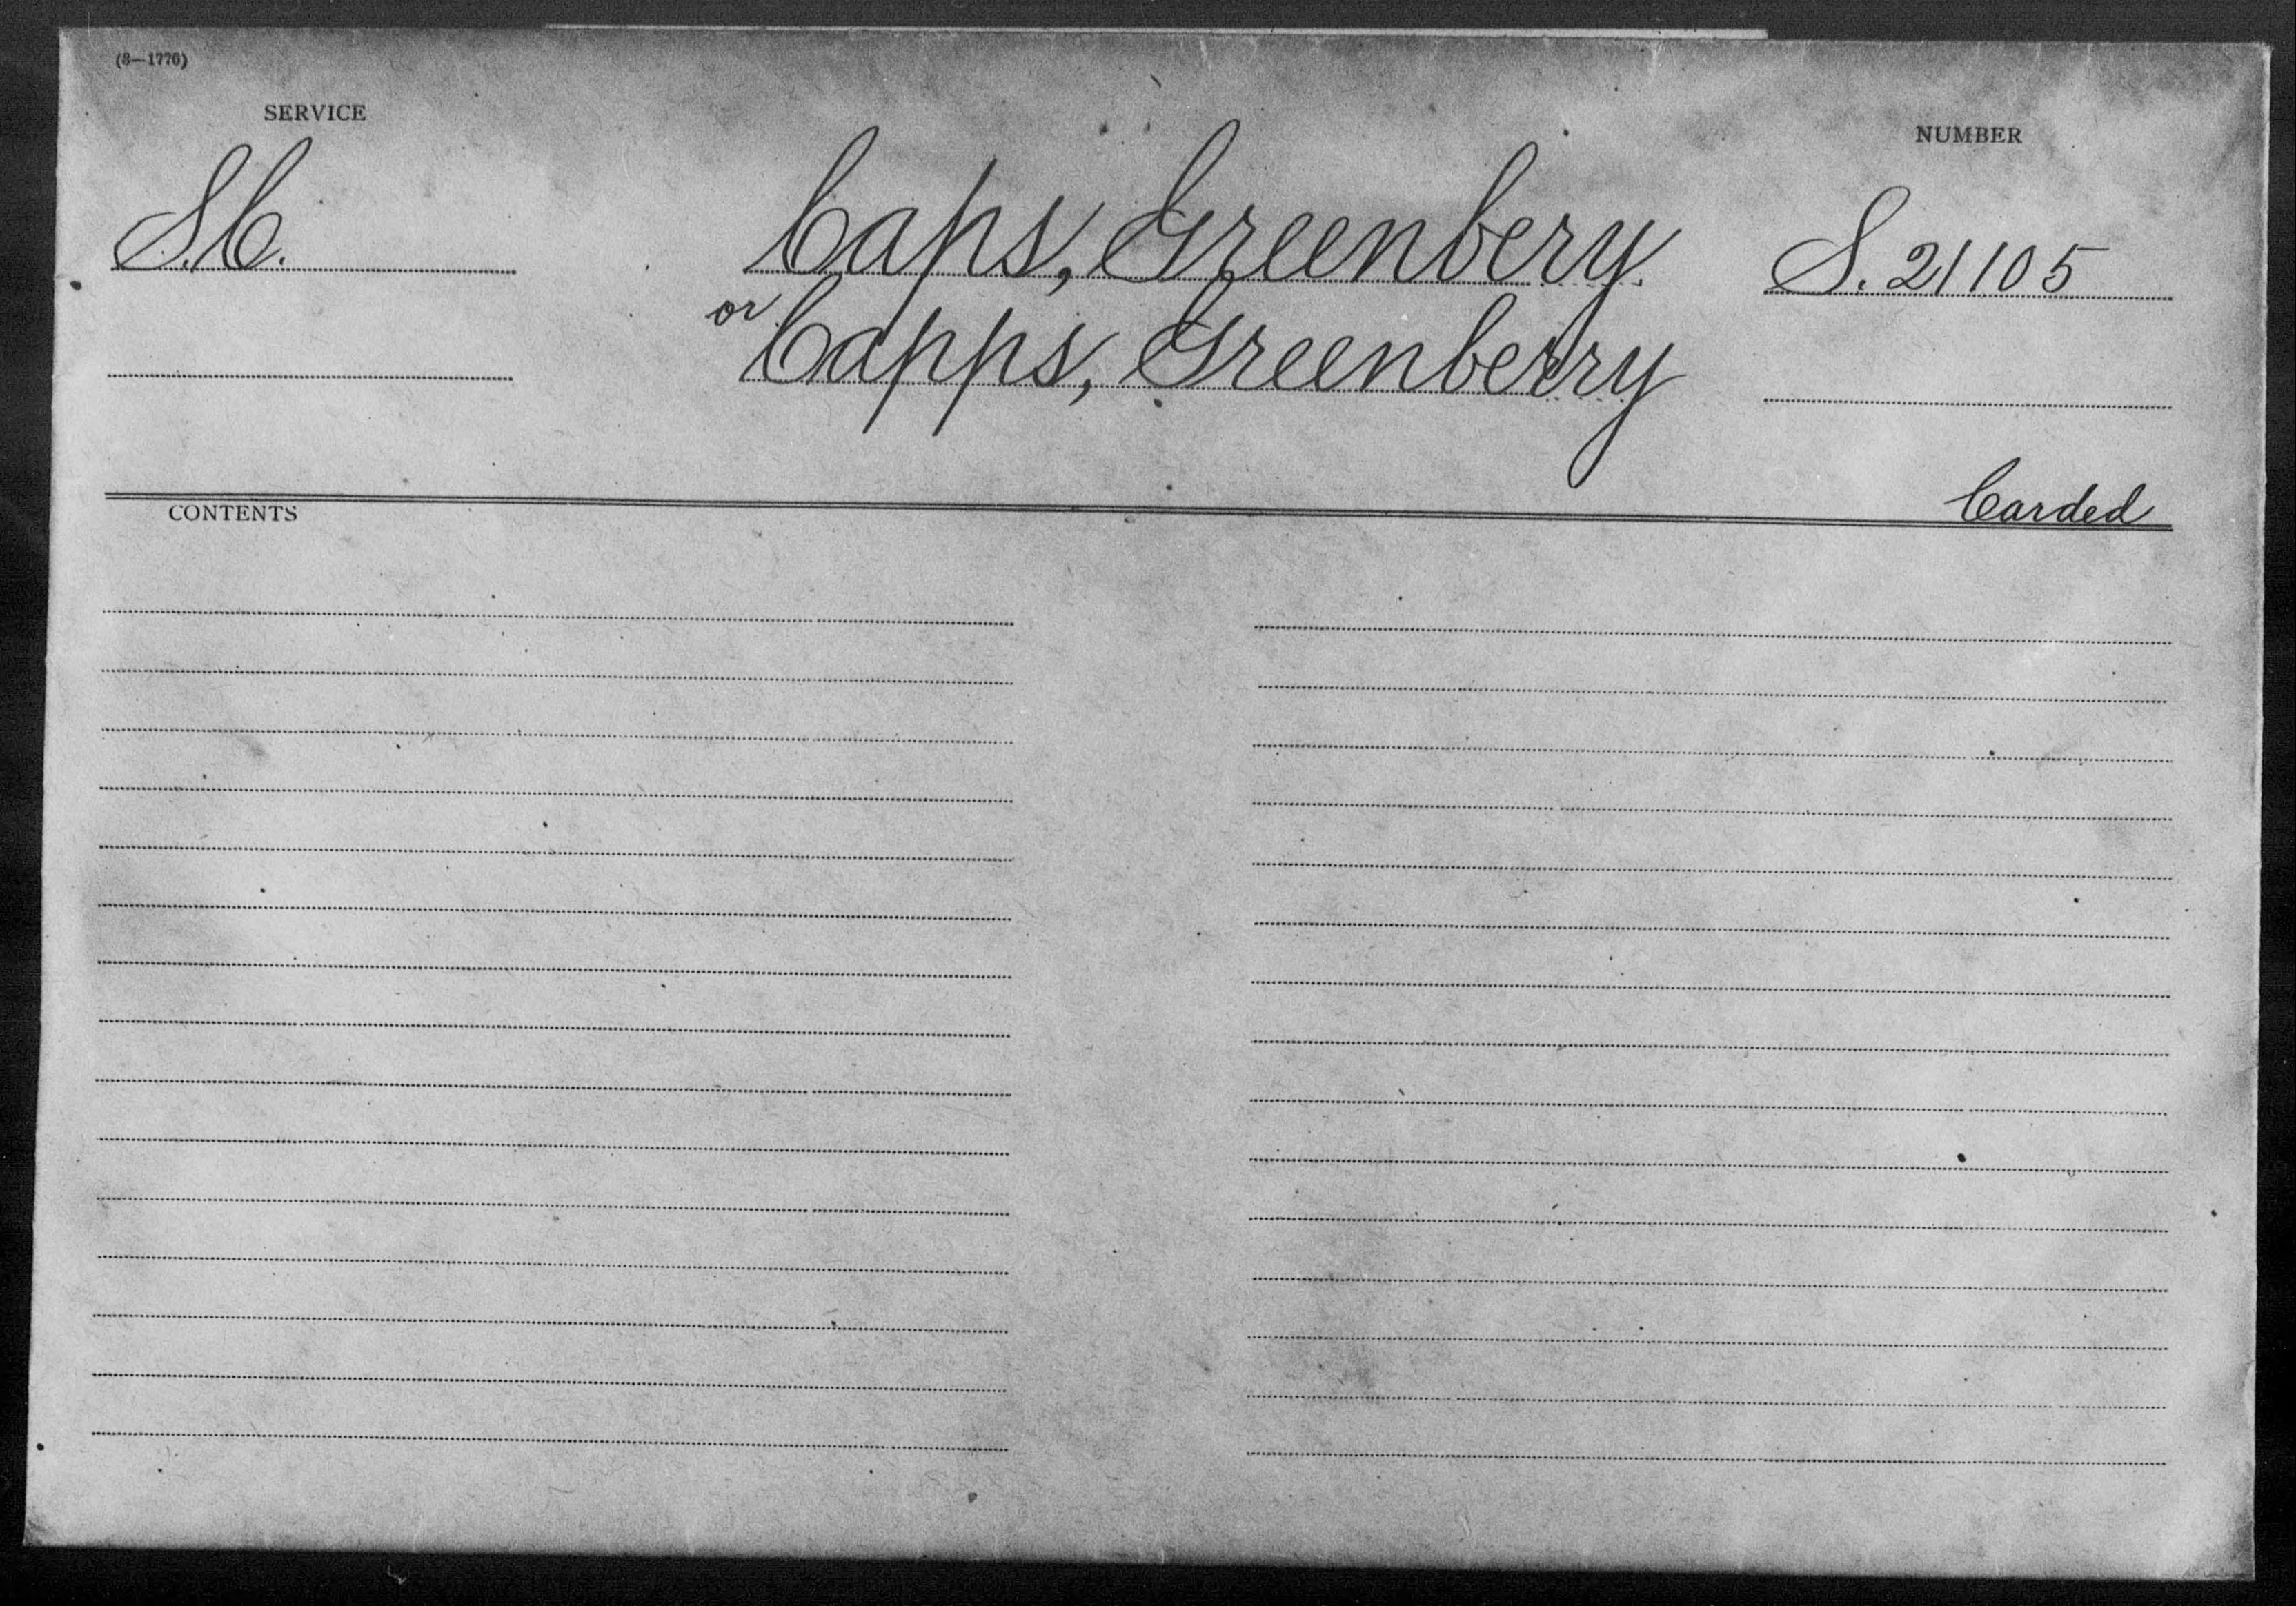(8 - 1776)
SERVICE
S.C.
CONTENTS
Caps, Greenbery
or
Capps, Greenberry
NUMBER
S.21105
Carded
CONTENTS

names: Greenberry Caps, Greenbery Capps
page: 1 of 26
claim: survivor's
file: S. 21105, Greenbery Caps, S.C.